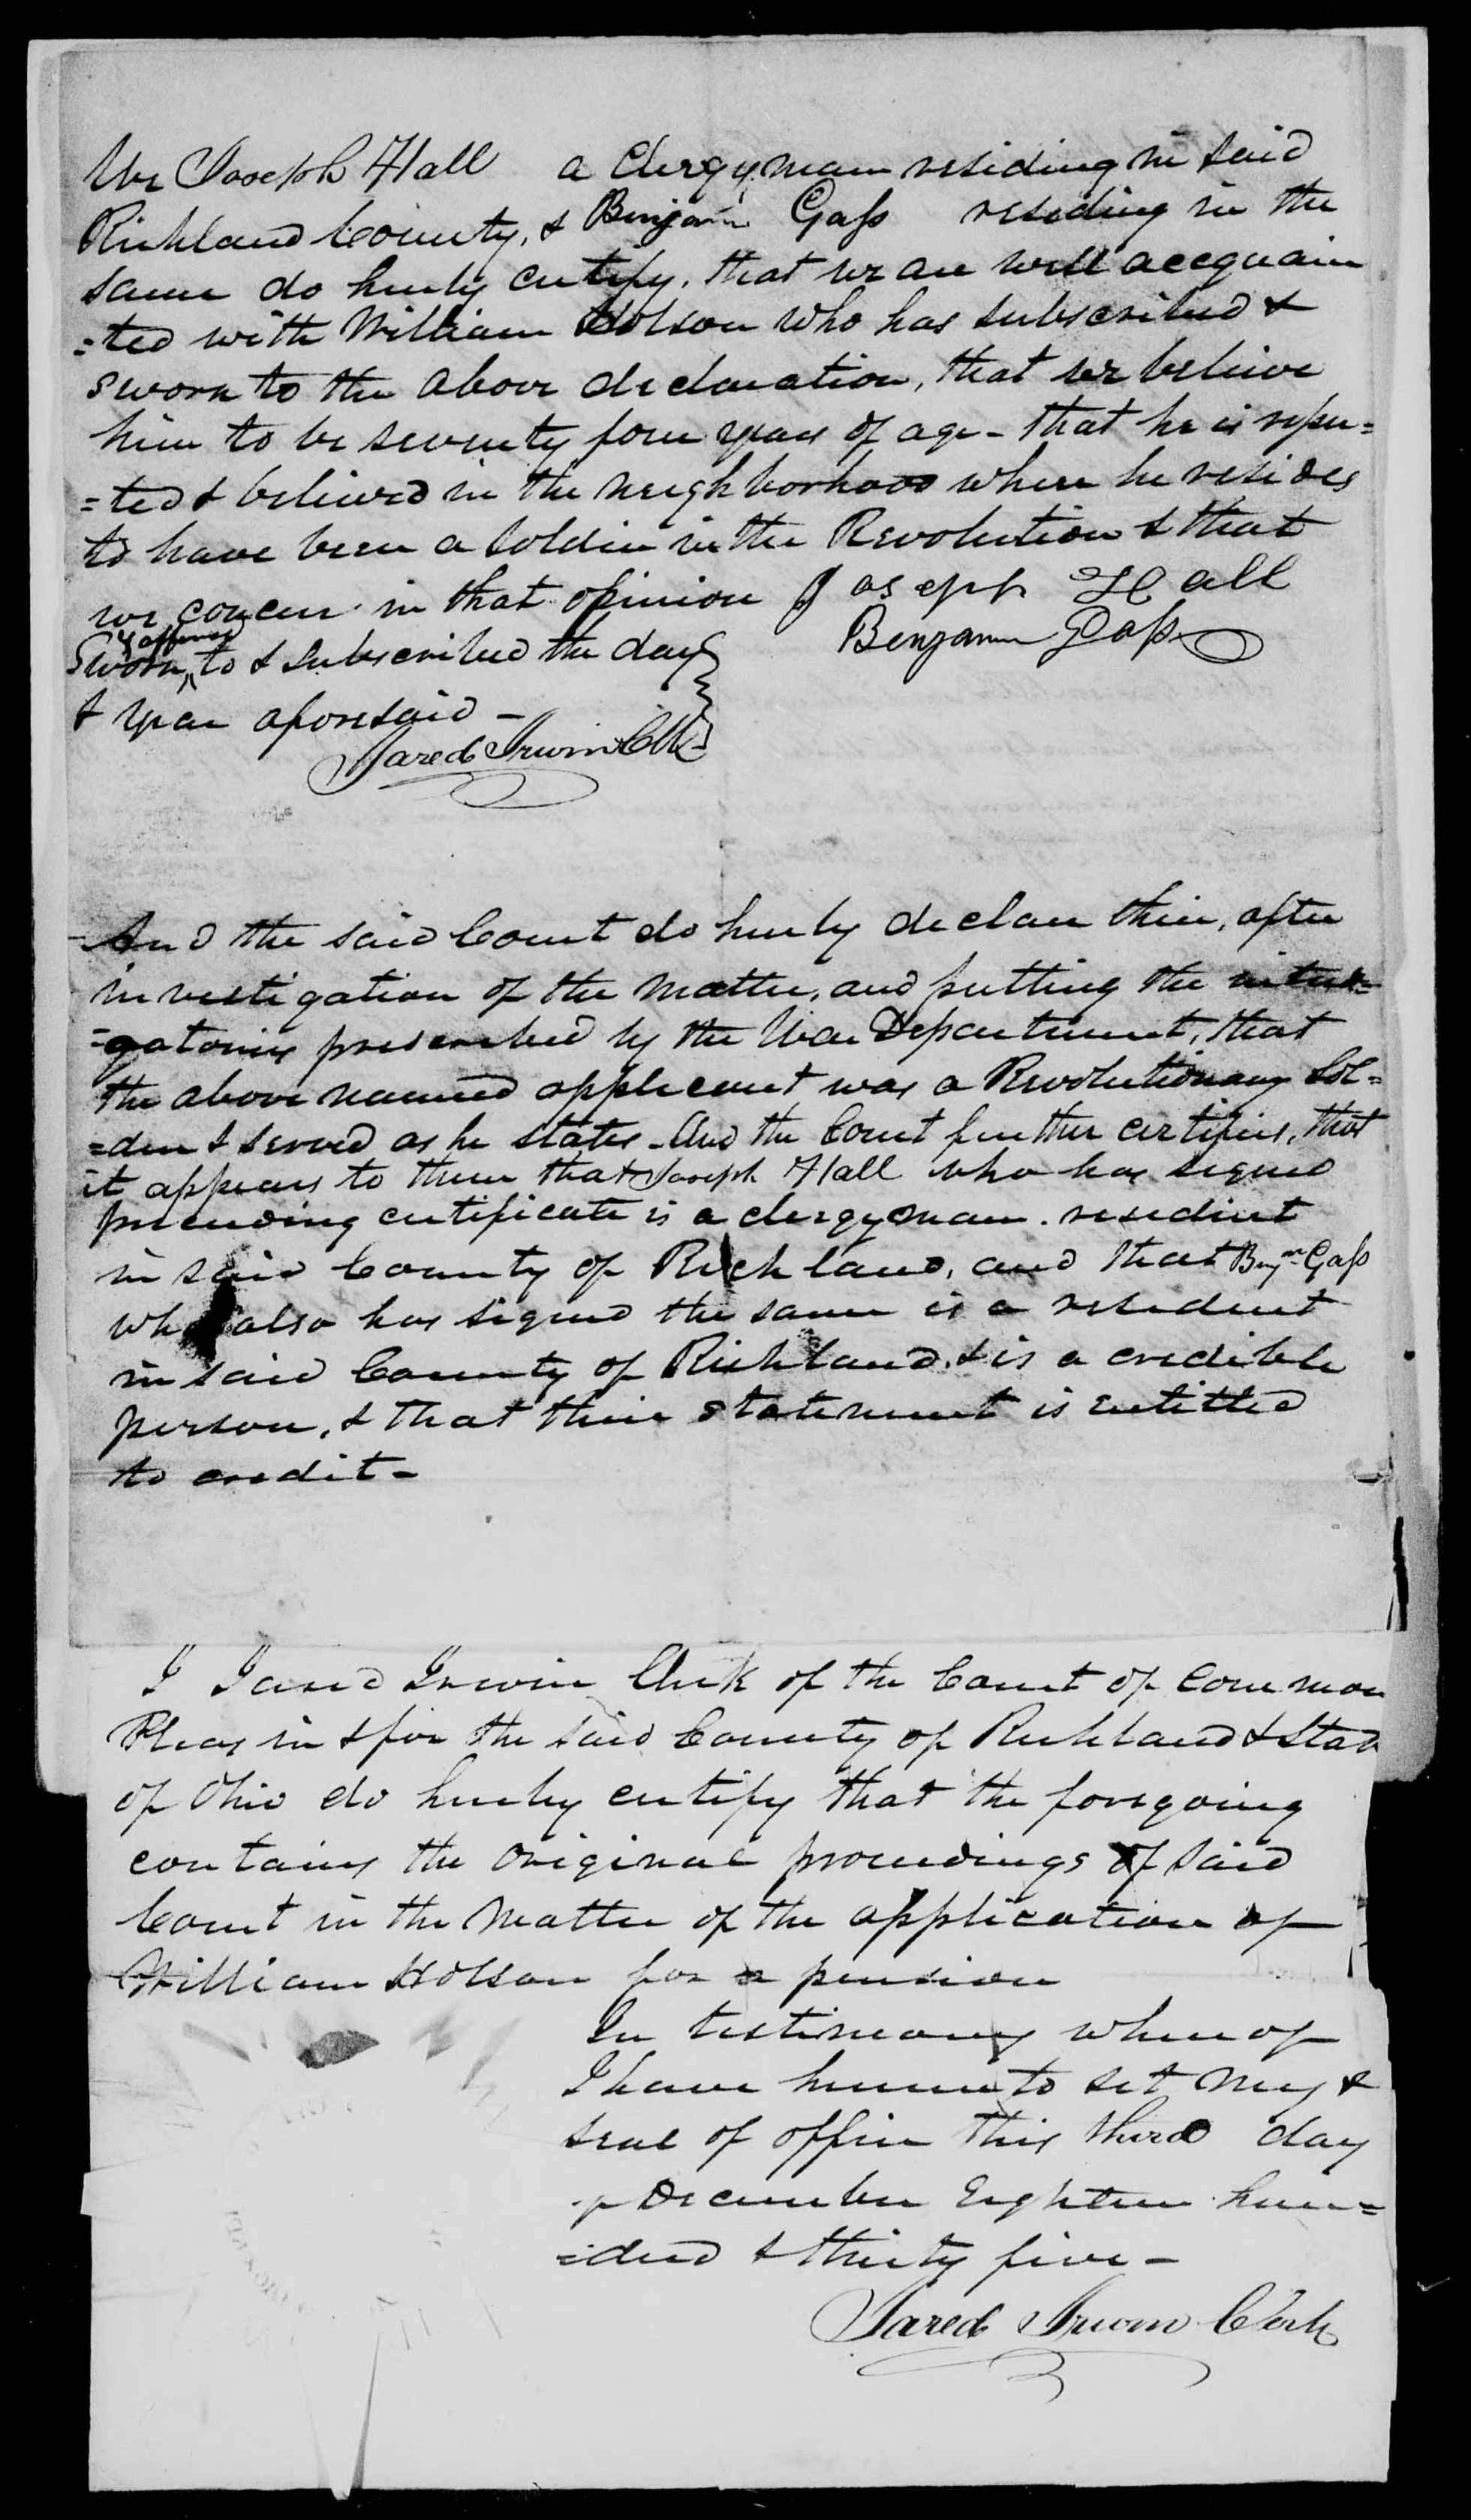We Joseph Hall a Clergyman residing in said Richland County, & Benjamin Gass residing in the same do hereby certify that we are well acquainted with William Holson who has subscribed & sworn to the above declaration, that we believe him to be seventy four years of age - that he is reputed & believed in the neighborhood where he resides to have been a soldier in the Revolution & that we concur in that opinion Joseph Hall Benjamin Gass
Sworn & affirmed to & subscribed the day
& year aforesaid-
Jared Irwin clk

And the said Court do hereby declare their after investigation of the matter, and putting the interrogatories prescribed by the War Department, that the above named applicant was a Revolutionary Soldier & served as he states - And the Court further certifies, that it appears to them that Joseph Hall who has signed preceding certificate is a clergyman resident in said county of Richland, and that Benj. Gass who also has signed the same is a resident in said County of Richland & is a credible person, & that their statement is entitled to credit-

I Jared Irwin Clerk of the Court of Common Pleas in & for the said County of Richland & State of Ohio do hereby certify that the foregoing contains the original proceedings of said Court in the matter of the application of William Holson for a pension
In testimony whereof I have hereunto set my & seal of office this third day of December Eighteen hundred & thirty five-
Jared Irwin Clerk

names: Jared Irwin, Jared Irwin, William Holson, Joseph Hall, Benjn Gass, Joseph Hall, Joseph Hall, Benjamin Gass, Benjam Gass, Jared Irwin, William Holson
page: 21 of 33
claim: survivor's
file: S. 9587, William Holson, Va.